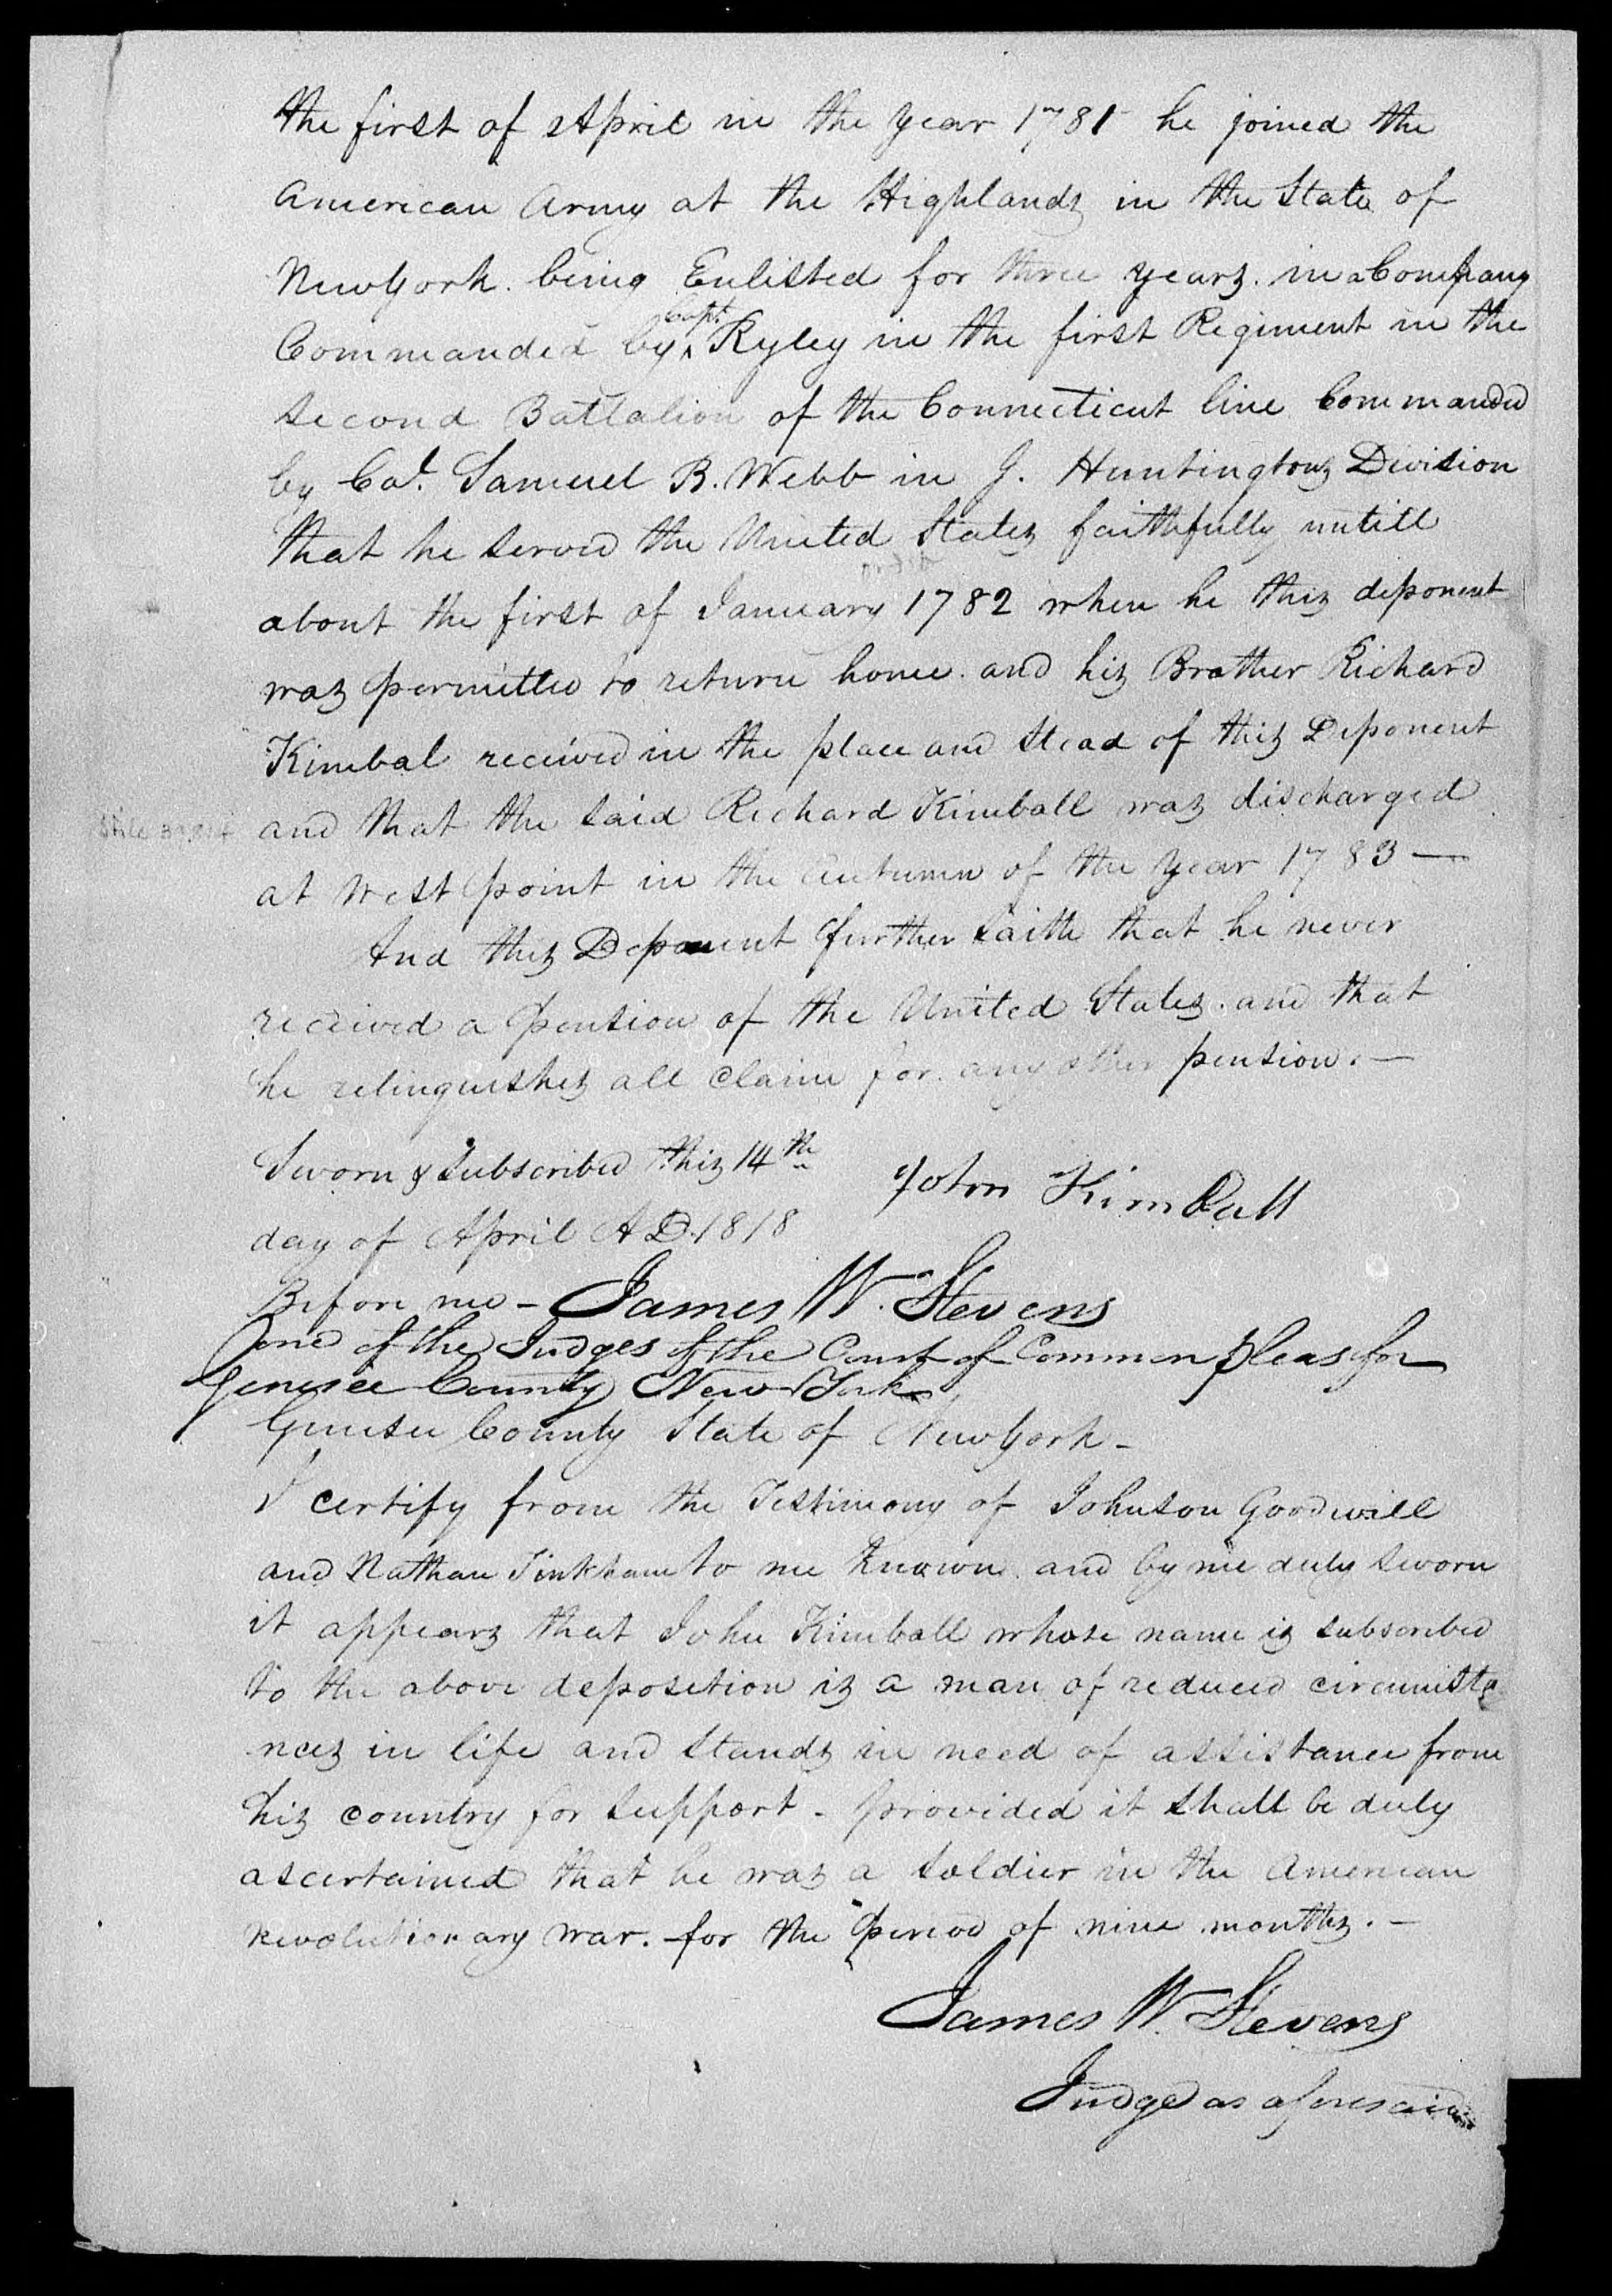the first of April in the year 1781 he joined the American Army at the Highlands in the State of New York. being Enlisted for three years. in a Company Commanded by Capt. Ryley in the first Regiment in the Second Battalion of the Connecticut line Commanded by Col. Samuel B. Webb in J. Huntington's Division That he served the United States faithfully untill about the first of January 1782 when he this deponent was permitted to return home. and his Brother Richard Kimbal received in the place and stead of this Deponent [written very faintly in margin] file 39.814 and that the said Richard Kimball was discharged at West Point in the Autumn of the year 1783 -
And this Deponent further saith that he never received a pension of the United States and that he relinquishes all claim for any other pension. -
John Kimball
Sworn & Subscribed this 14th day of April AD. 1818
Before me - James W. Stevens
One of the Judges of the Court of Common Pleas for Genesee County New York
Genesee County State of New York -
I certify from the Testimony of Johnson Goodwill and Nathan Tinkham to me known and by me duly sworn it appears that John Kimball whose name is subscribed to the above deposition is a man of reduced circumstances in life and stands in need of assistance from his country for support - provided it shall be duly ascertained that he was a soldier in the American Revolutionary War. for the period of nine months. -
James W. Stevens
Judge as aforesaid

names: Samuel B Webb; John Kimball; [BLANK] Ryley; Nathan Tinkham; Johnson Goodwill; James W Stevens; Richard Kimball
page: 12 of 36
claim: survivor's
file: S. 42,792, for John Kimball, Connecticut